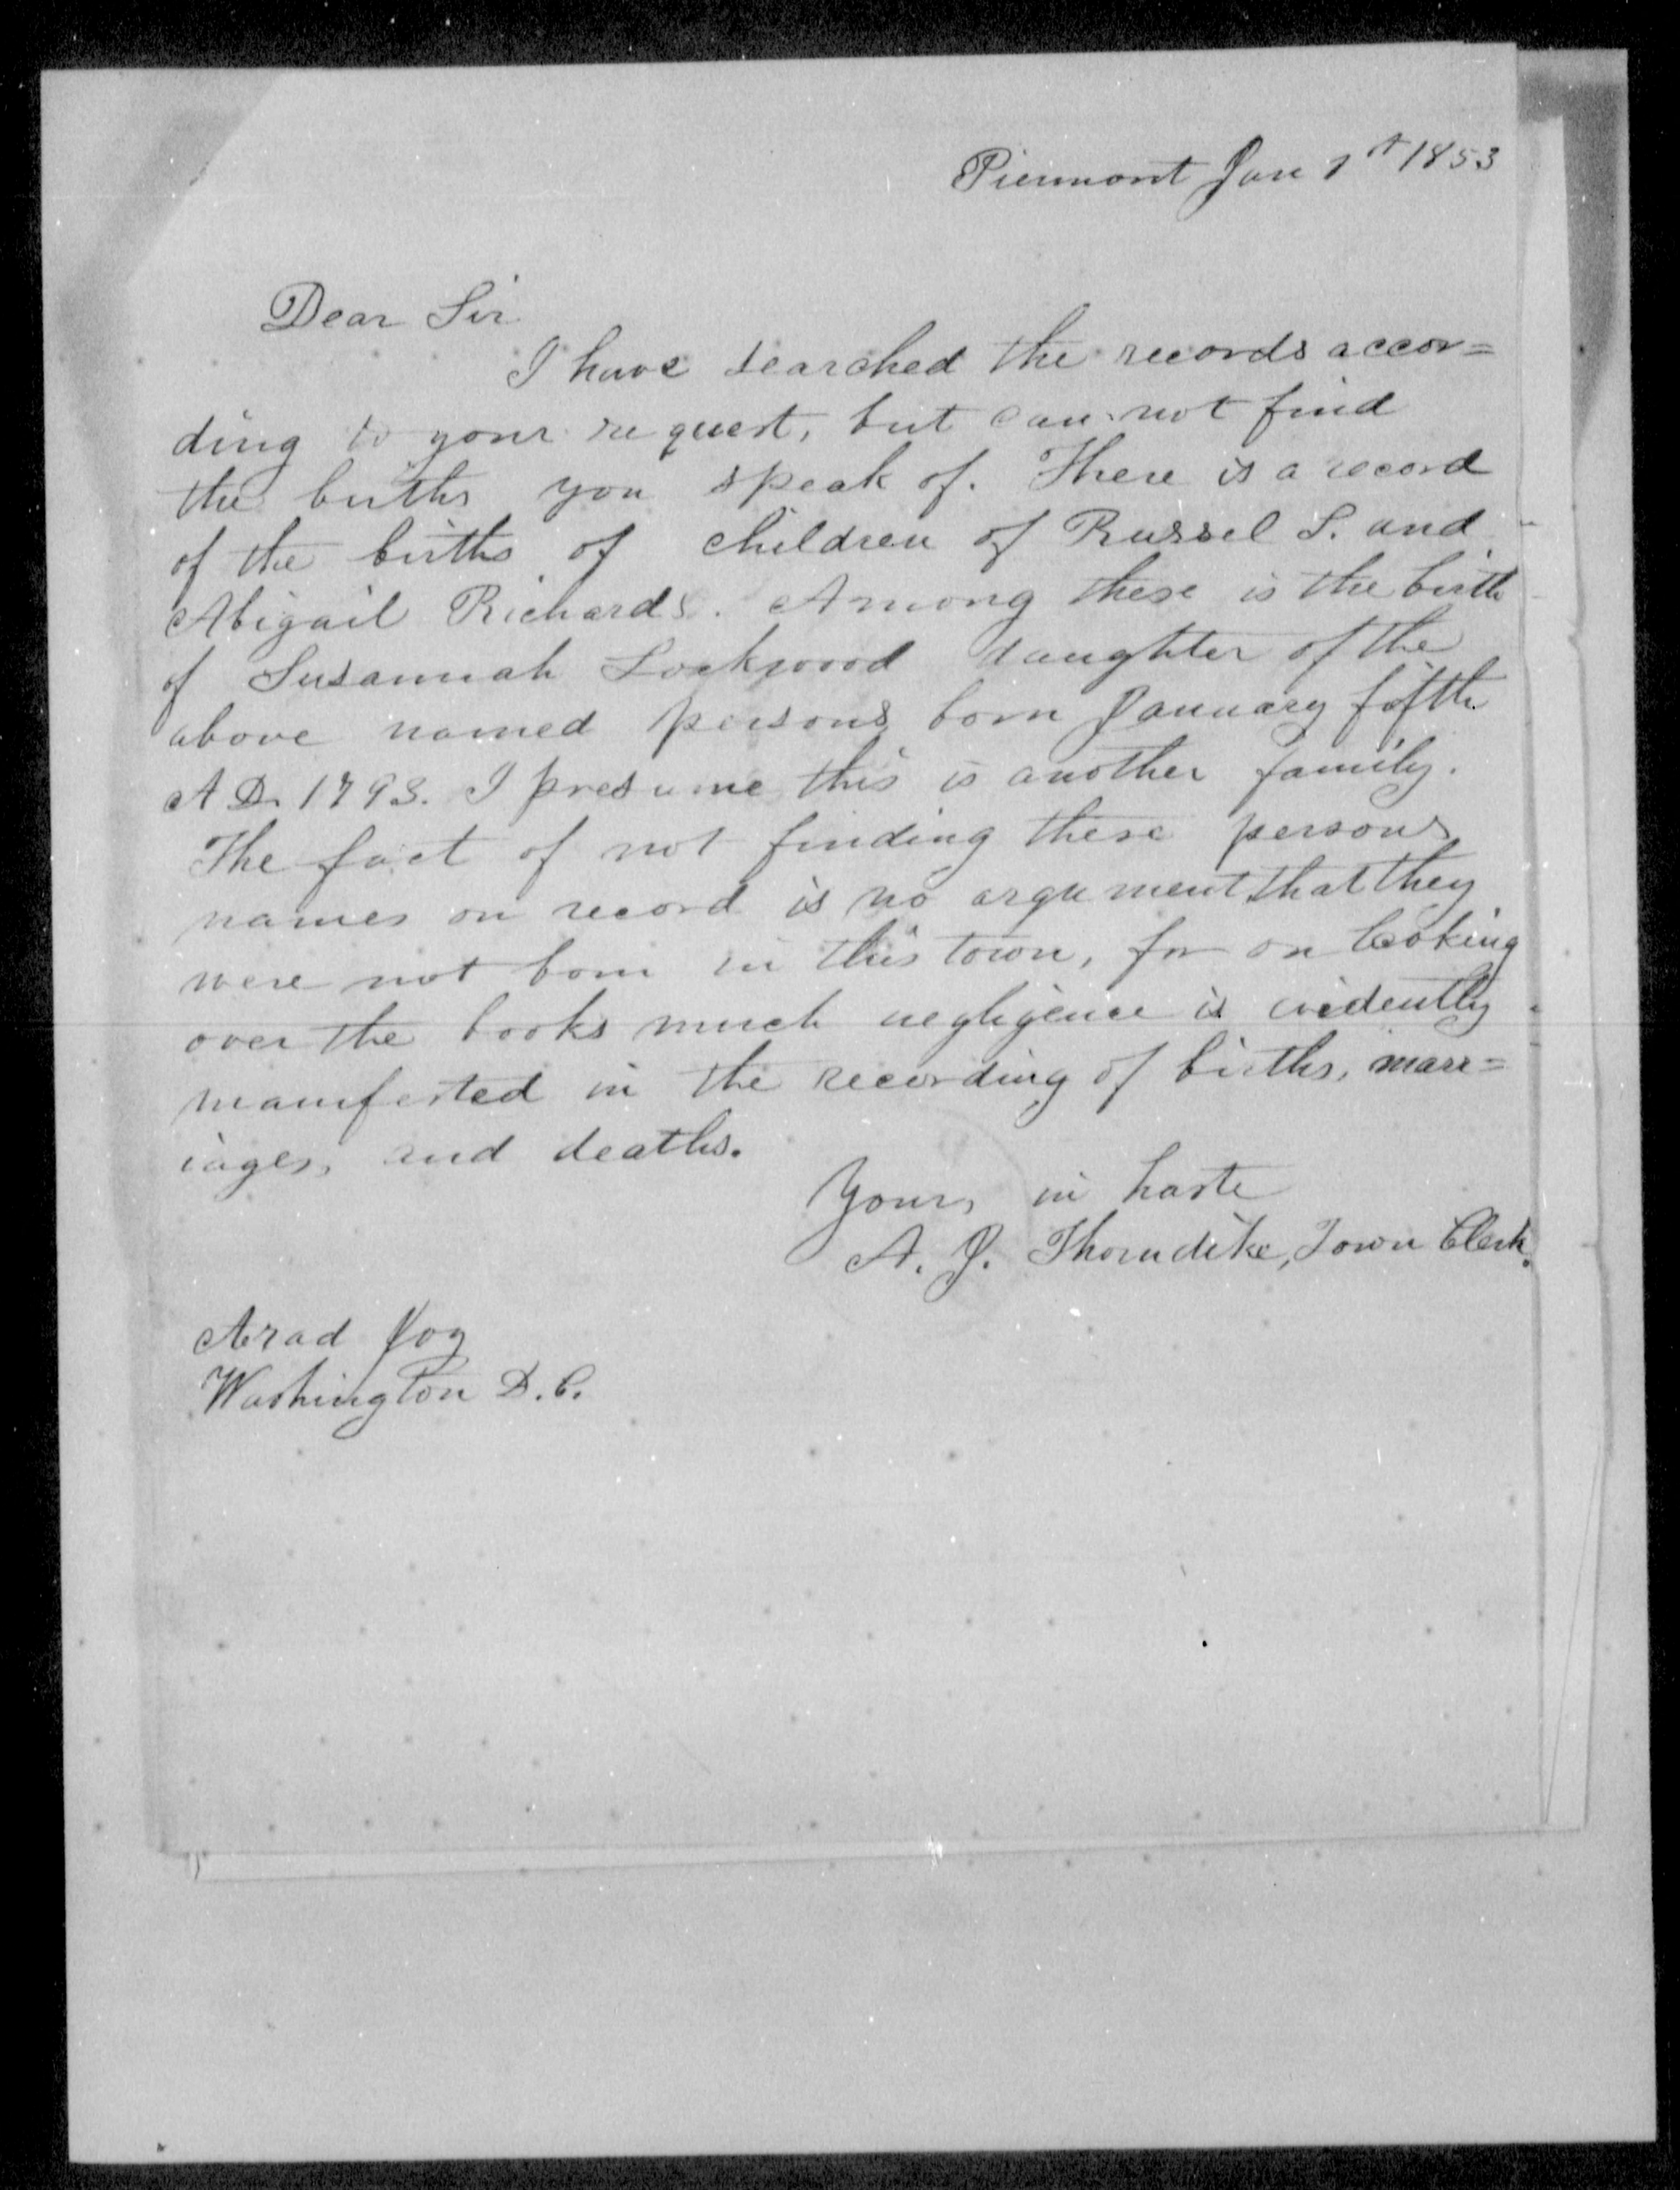Piermont Jan 1st 1853
Dear Sir
I have searched the records according to your request, but can not find the births you speak of. There is a record of the births of children of Russel [RUSSELL] L. and Abigail Richards. Among these is the birth of Susannah Lockwood daughter of the above named persons born January fifth AD 1793. I presume this is another family.
The fact of not finding these persons [sic] names on record is no argument that they
were not born in this town, for on looking
over the books much negligence is evidently
manifested in the recording of births, marriages, and deaths.
Yours in haste
A. J. Thorndike, Town Clerk
Arad Joy
Washington D.C.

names: A J Thorndike; Arad Joy; Russel S Richards; Susannah Lockwood; Abigail Richards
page: 57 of 109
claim: widow's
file: W. 5709, for Thomas Richards, New Hampshire